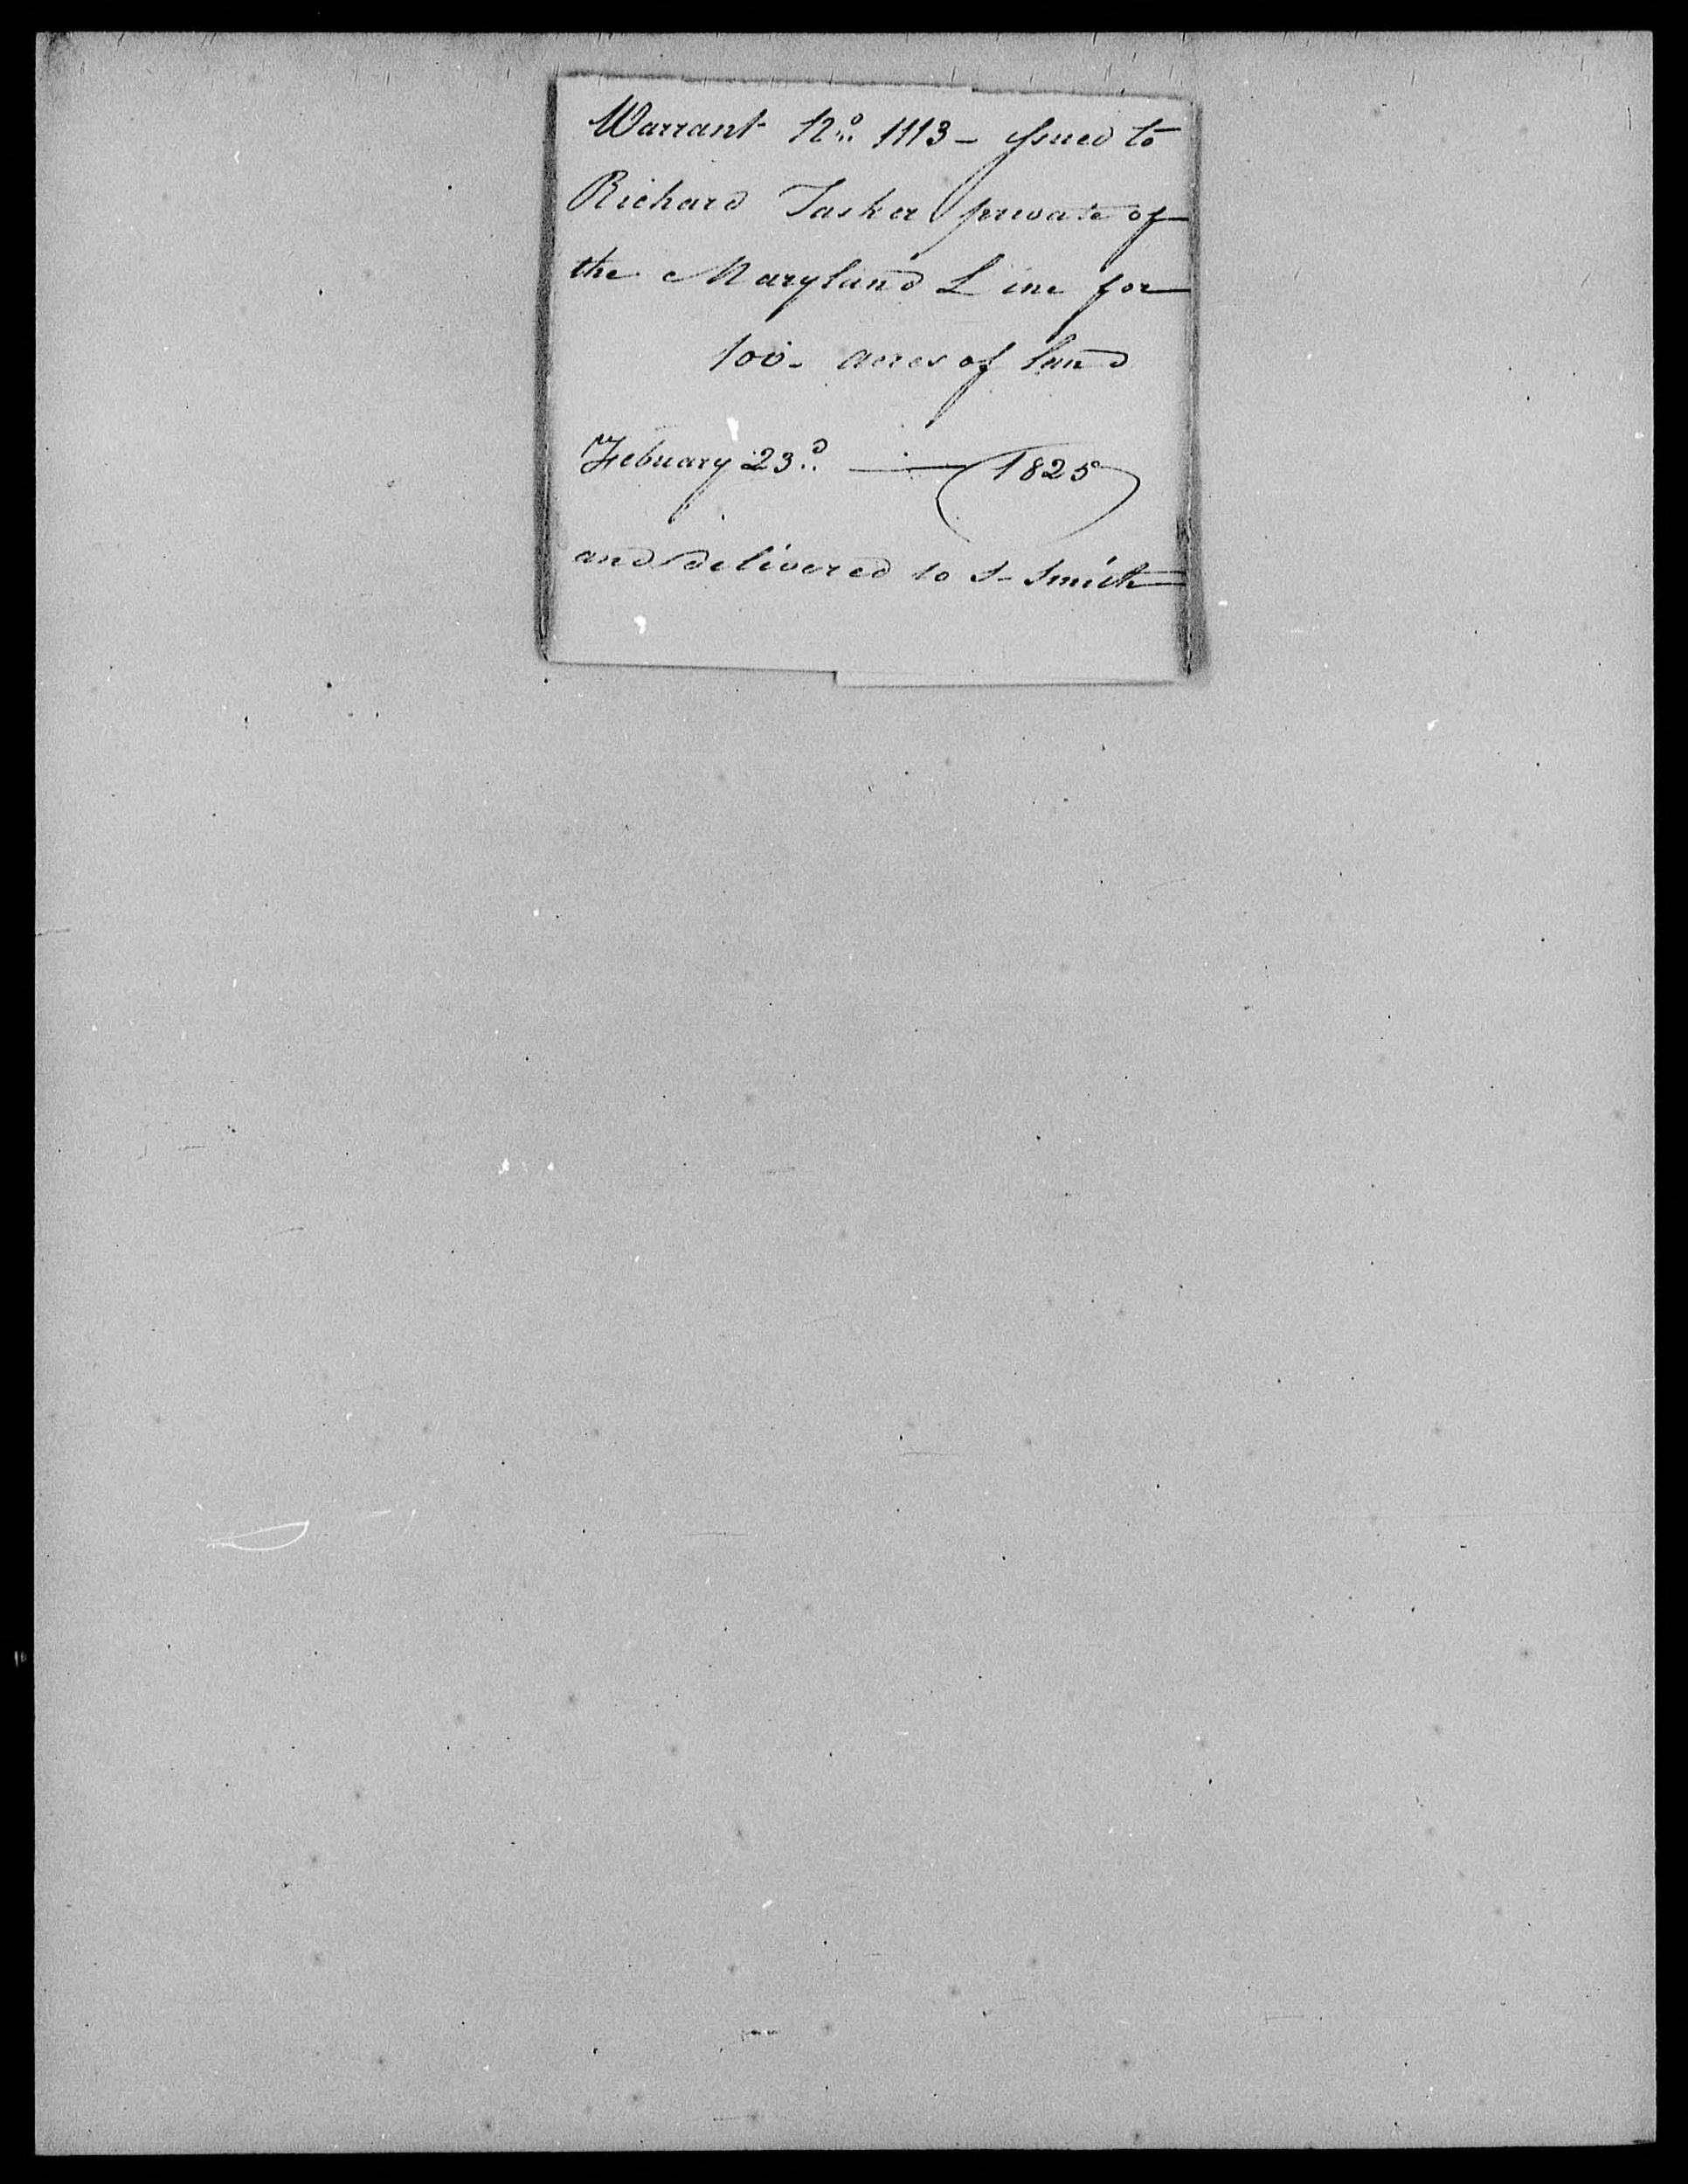Warrant No 1113 issued to
Richard Tasker private of
the Maryland Line for
100 acres of land
February 23d 1825
and delivered to S. Smith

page: 2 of 25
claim: survivor's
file: S. 35093, for Richard R Tasker, Maryland